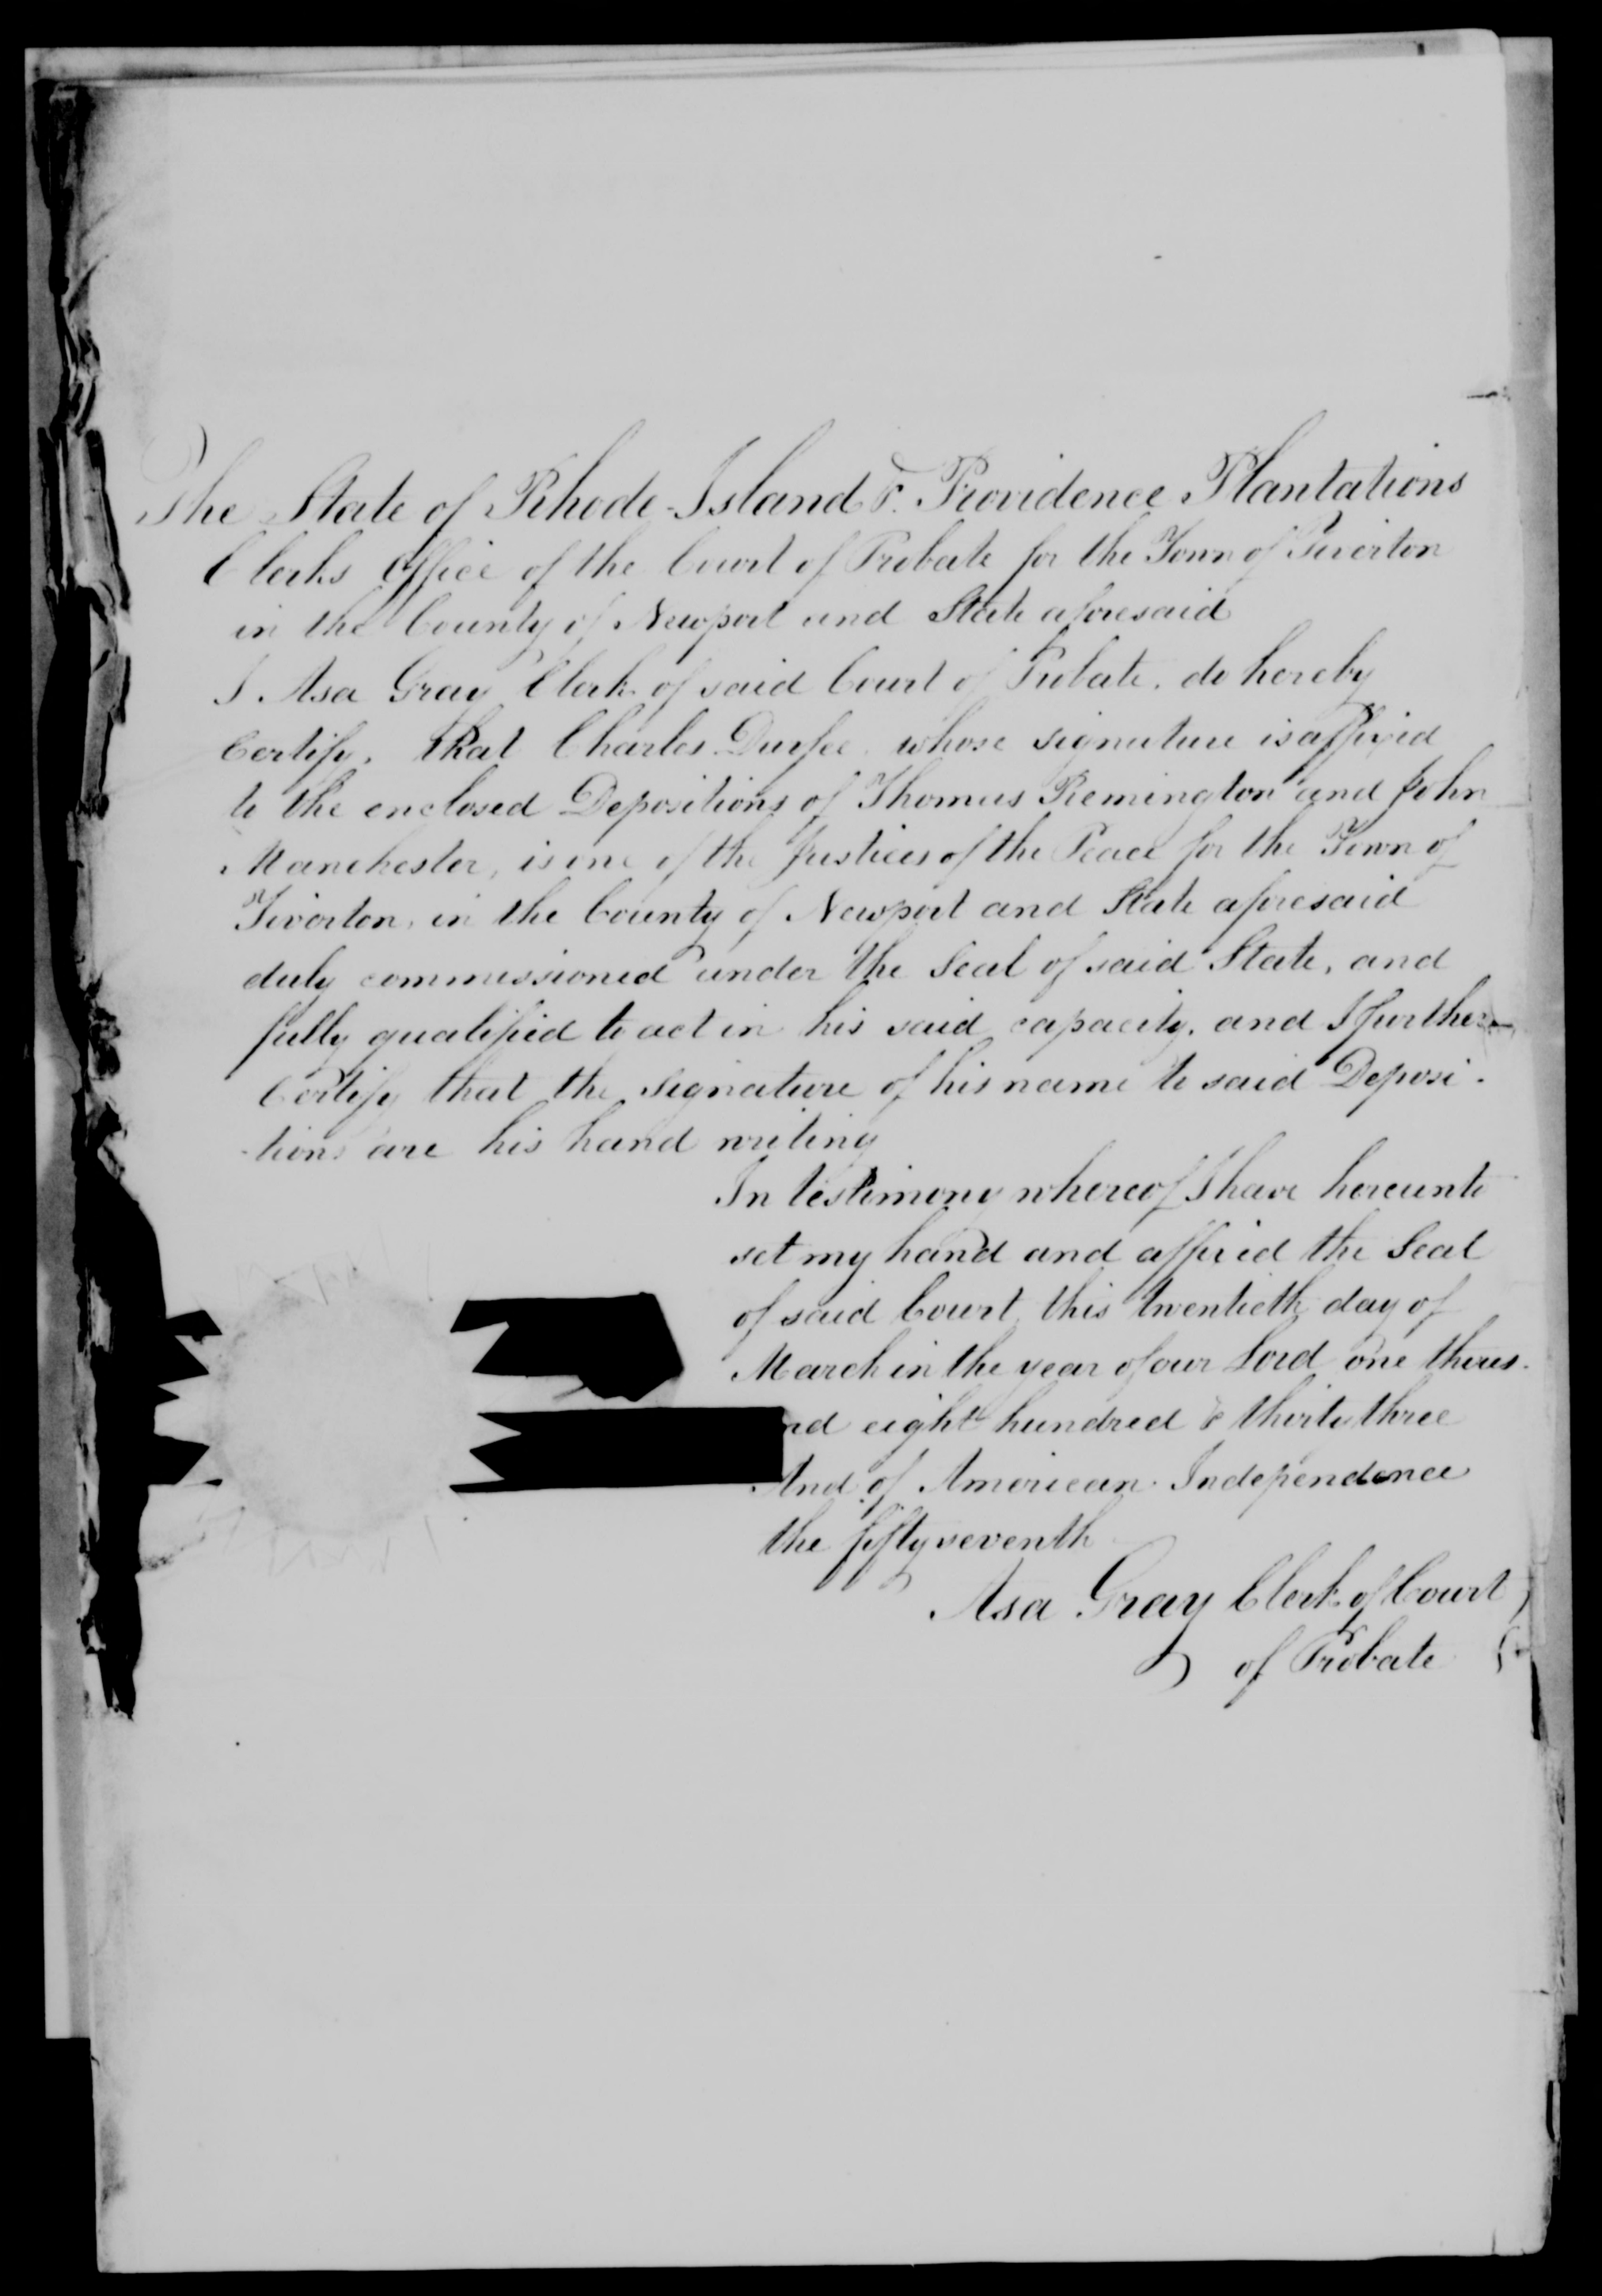The State of Rhode Island & Providence Plantations
Clerks Office of the Court of Probate for the Town of Tiverton
in the County of Newport and State aforesaid
I Asa Gray Clerk of said Court of Probate, do hereby
Certify that Charles Durfee whose signature is affixed
to the enclosed Depositions of Thomas Remington and John
Manchester, is one of the Justices of the Peace for the Town of
Tiverton, in the County of Newport and State aforesaid
duly commissioned under the Seal of said State, and
fully qualified to act in his said capacity, and I further
certify that the signature of his name to said Depositions are his hand writing
In testimony whereof I have hereunto
set my hand and affixed the Seal
of said Court,[OFFICIAL SEAL AFFIXED TO DOCUMENT]  this twentieth day of
March in the year of our Lord one thousand
eight hundred & thirty three
And of American Independence
the fifty seventh
Asa Gray Clerk of Court
of Probate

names: Thomas Remington, Asa Gray, Charles Durfee, John Manchester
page: 14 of 39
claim: widow's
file: W. 26046, Thomas Willcox, R.I.